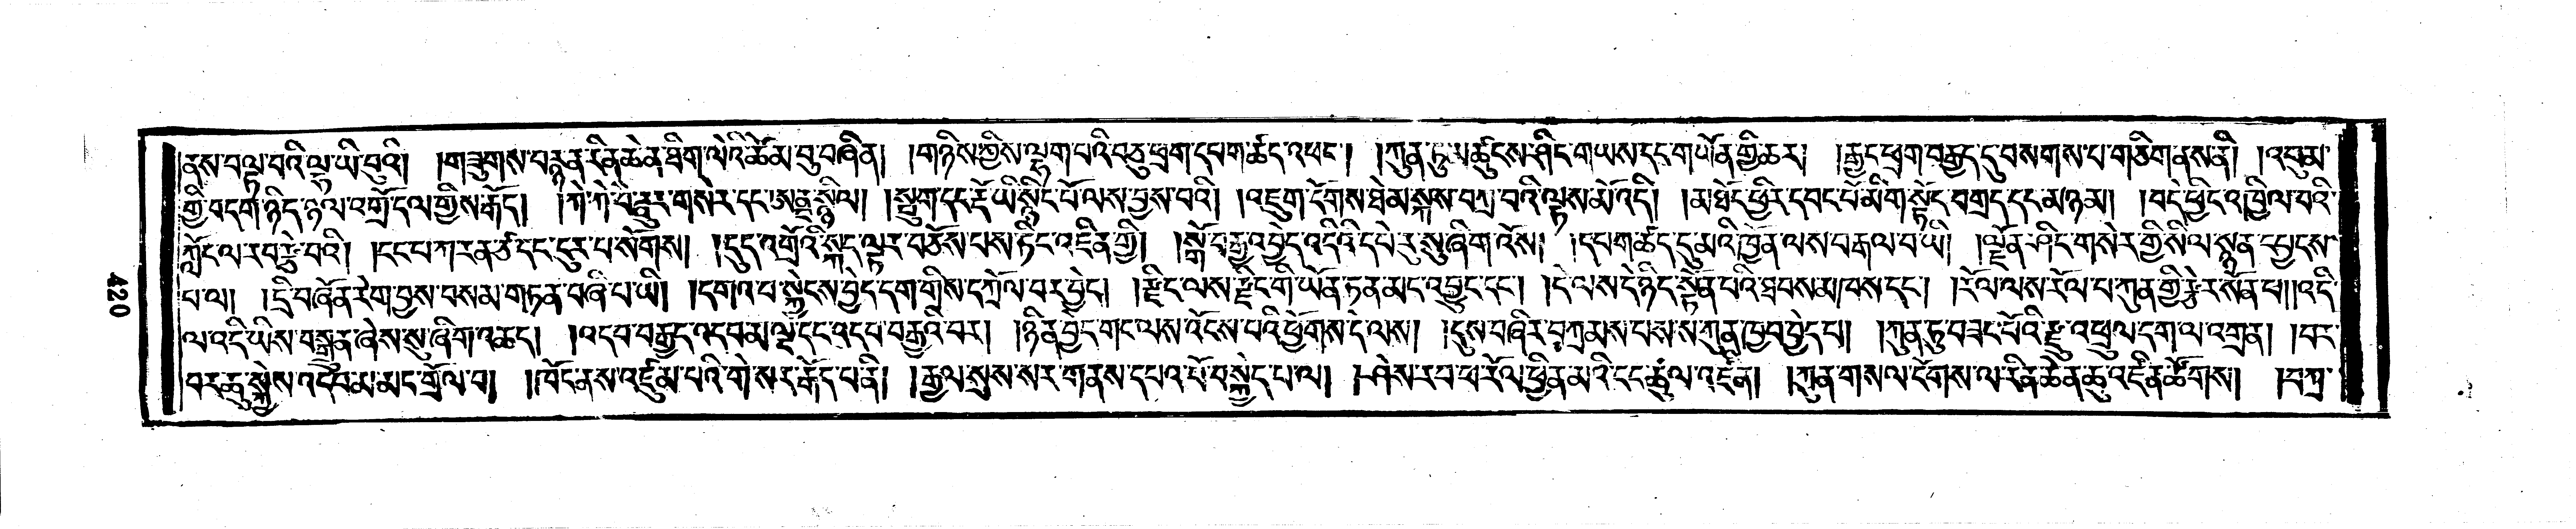ནས་བལྟ་བའི་ལྷ་ཡི་བུའི། །གཟུགས་བརྙན་རིན་ཆེན་ཐིག་ལེའི་ཚེམ་བུ་བཞིན། །གཉིས་ཀྱིས་ལྷག་པའི་བཅུ་ཕྲག་དཔག་ཚད་འཕང་། །ཀུན་ཏུ་མཚུངས་ཤིང་གཡས་དང་གཡོན་གྱི་ཆར། །རྒྱང་ཕྲག་བརྒྱད་དུ་བསགས་པ་གཅིག་ནས་ནི། །འབུམ་
གྱི་བདག་ཉིད་ཉལ་འགྲོ་དལ་གྱིས་རྒོད། །ཀེ་ཀེ་བཻ་ཌཱུར་གསེར་དང་ཨནྡ་སྙིལ། །སྦུག་དང་རྡོ་ཡི་སྙིང་པོ་ལས་བྱས་པའི། །འཇུག་དོགས་ཐེམ་སྐས་བཀྲ་བའི་ལྟས་མོ་འདི། །མཐོང་ཕྱིར་དབང་པོ་མིག་སྟོང་བགྲད་དང་མཉམ། །བདེ་ཕྱིར་འཁྱིལ་བའི་
ཀློང་ལ་རབ་རྩེ་བའི། །དང་པ་ཀ་རན་ཙ་དང་དུར་པ་སོགས། །དུད་འགྲོའི་སྐད་ལྟར་བཅོས་པས་ཏིང་འཛིན་གྱི། །སྒོ་བརྒྱ་འབྱེད་འདིའི་དཔེ་རུ་སུ་ཞིག་འོས། །དཔག་ཚད་དུ་མའི་ཁྱོན་ལས་བརྒལ་བ་ཡི། །ལྗོན་ཤིང་གསེར་གྱི་སིལ་སྙན་དབྱངས་
པ་ལ། །དྲི་བཞོན་རེག་བྱས་བསམ་གཏན་བཞི་པ་ཡི། །དགའ་བ་སྐྱེངས་བྱེད་དག་གིས་དཀྲོལ་བར་བྱེད། །རྫིང་ལས་རྫིང་གི་ཡོན་ཏན་མང་འབྱུང་དང་། །དེ་ལས་དེ་ཉིད་སྟོན་པའི་ཐབས་མཁས་དང་། །རོལ་ལས་རོལ་པ་ཀུན་གྱི་རྩེར་སོན་པས། །འདི་
ལ་འདི་ཡིས་བསྒྲུན་ཞེས་སུ་ཞིག་འཆད། །འདབ་བརྒྱད་འདབ་མ་ལྔ་དང་འདབ་བརྒྱའི་བར། །ཉིན་བྱེད་གང་ལས་འོངས་པའི་ཕྱོགས་དེ་ལས། །དུས་བཞིར་བཀྲམས་པས་ས་ཀུན་ཁྱབ་བྱེད་པ། །ཀུན་ཏུ་བཟང་པོའི་རྫུ་འཕྲུལ་དག་ལ་འགྲན། །བར་
བར་ཆུ་སྐྱེས་འདབ་མ་མང་གྲོལ་བ། །ཁོང་ནས་འཛུམ་པའི་གེ་སར་རྒོད་པ་ནི། །རྒྱལ་སྲས་སར་གནས་དཔའ་བོ་བསྐྱེད་པ་ལ། །ཤེས་རབ་ཕ་རོལ་ཕྱིན་མའི་ངང་ཚུལ་འཛིན། །ཀུན་གསལ་ངོགས་ལ་རིན་ཆེན་ཆུ་འཛིན་ཚོགས། །བཀྲ་